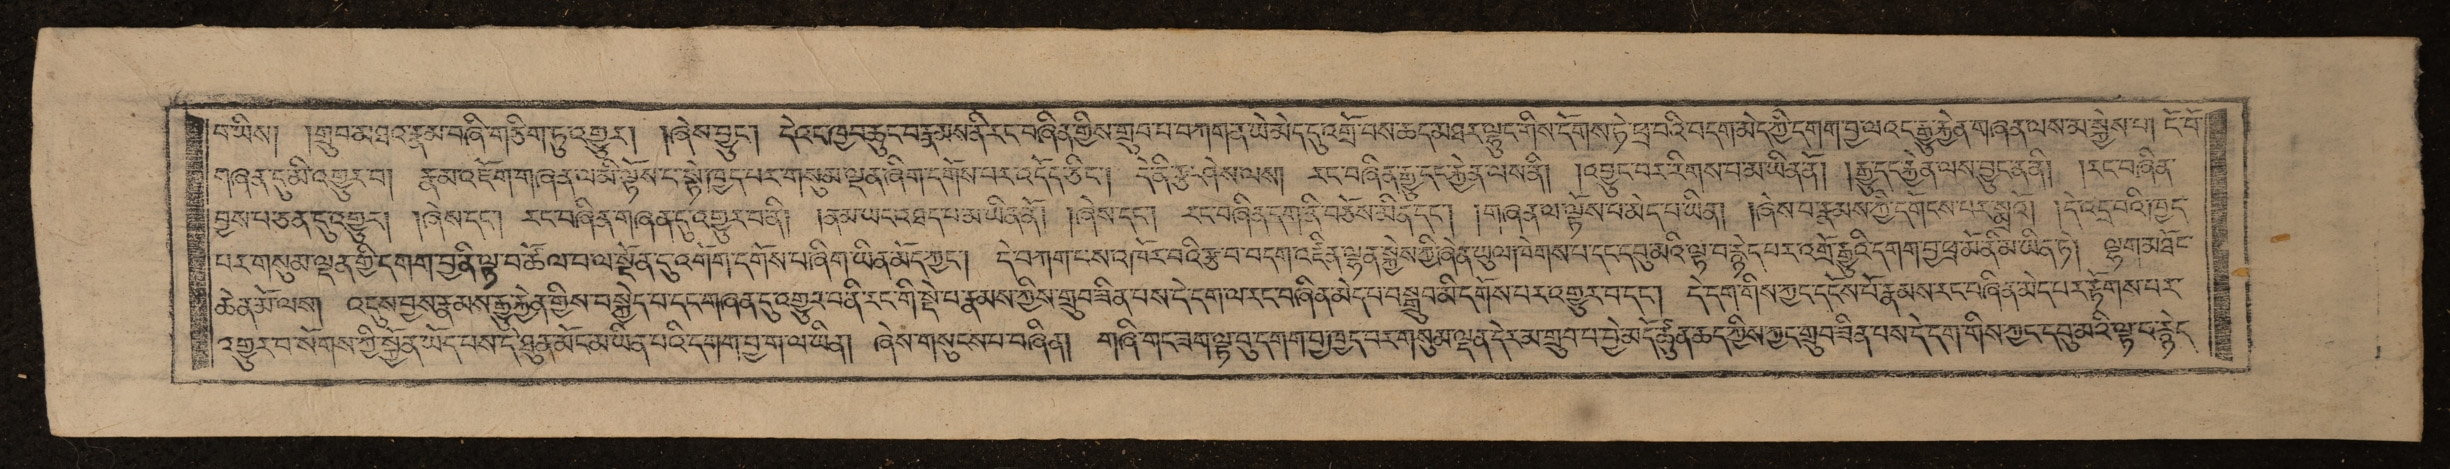པ་ཡིས། །གྲུབ་མཐའ་རྣམ་བཞི་གཅིག་ཏུ་འགྱུར། །ཞེས་བྱུང་། དེའང་ཁྱབ་ཆུང་བ་རྣམས་ནི་རང་བཞིན་གྱིས་གྲུབ་པ་བཀག་ན་ཡེ་མེད་དུ་འགྲོ་བས་ཆད་མཐར་ལྷུང་གིས་དོགས་ཏེ་ཕྲ་བའི་བདག་མེད་ཀྱི་དགག་བྱ་ལའང་རྒྱུ་རྐྱེན་གཞན་ལས་མ་སྐྱེས་བ། ངོ་བོ་
གཞན་དུ་མི་འགྱུར་བ། རྣམ་འཇོག་གཞན་ལ་མི་ལྟོས་པ་སྟེ་ཁྱད་བར་གསུམ་ལྡན་ཞིག་དགོས་བར་འདོད་ཅིང་། དེ་ནི་རྩ་ཤེས་ལས། རང་བཞིན་རྒྱུ་དང་རྐྱེན་ལས་ནི། །འབྱུང་བར་རིགས་པ་མ་ཡིན་ནོ། །རྒྱུ་དང་རྐྱེན་ལས་བྱུང་ན་ནི། །རང་བཞིན་
བྱས་བ་ཅན་དུ་འགྱུར། །ཞེས་དང་། རང་བཞིན་གཞན་དུ་འགྱུར་བ་ནི། །ནམ་ཡང་འཐད་པ་མ་ཡིན་ནོ། །ཞེས་དང་། རང་བཞིན་དག་ནི་བཅོས་མིན་དང་། །གཞན་ལ་ལྟོས་པ་མེད་པ་ཡིན། །ཞེས་བ་རྣམས་ཀྱི་དགོངས་པར་སྨྲའོ། །དེ་འདྲ་བའི་ཁྱད་
པར་གསུམ་ལྡན་གྱི་དགག་བྱ་ནི་ལྟ་བ་ཚོལ་བ་ལ་སྔོན་དུ་འགོག་དགོས་པ་ཞིག་ཡིན་མོད་ཀྱང་། དེ་བཀག་པས་འཁོར་བའི་རྩ་བ་བདག་འཛིན་ལྷན་སྐྱེས་ཀྱི་ཞེན་ཡུལ་ཁེགས་པ་དང་དབུ་མའི་ལྟ་བརྙེད་པར་འགྲོ་རྒྱུའི་དགག་བྱ་ཕྲ་མོ་ནི་མ་ཡིན་ཏེ། ལྷག་མཐོང་
ཆེན་མོ་ལས། འདུས་བྱས་རྣམས་རྒྱུ་རྐྱེན་གྱིས་བསྐྱེད་པ་དང་གཞན་དུ་འགྱུར་བ་ནི་རང་གི་སྡེ་པ་རྣམས་ཀྱིས་གྲུབ་ཟིན་པས་དེ་དག་ལ་རང་བཞིན་མེད་པ་བསྒྲུབ་མི་དགོས་བར་འགྱུར་བ་དང་། དེ་དག་གིས་ཀྱང་དངོས་པོ་རྣམས་རང་བཞིན་མེད་བར་རྟོགས་པར་
འགྱུར་བ་སོགས་ཀྱི་སྐྱོན་ཡོད་པས་དེ་ཐུན་མོང་མ་ཡིན་པའི་དགག་བྱ་ག་ལ་ཡིན། ཞེས་གསུངས་བ་བཞིན། གཞི་གང་ཟག་ལྟ་བུ་དགག་བྱ་ཁྱད་བར་གསུམ་ལྡན་དེར་མ་གྲུབ་ཕ་བྱེ་མདོ་ཚུན་ཆད་ཀྱིས་ཀྱང་གྲུབ་ཟིན་བས་དེ་དག་གིས་ཀྱང་དབུ་མའི་ལྟ་བརྙེད་